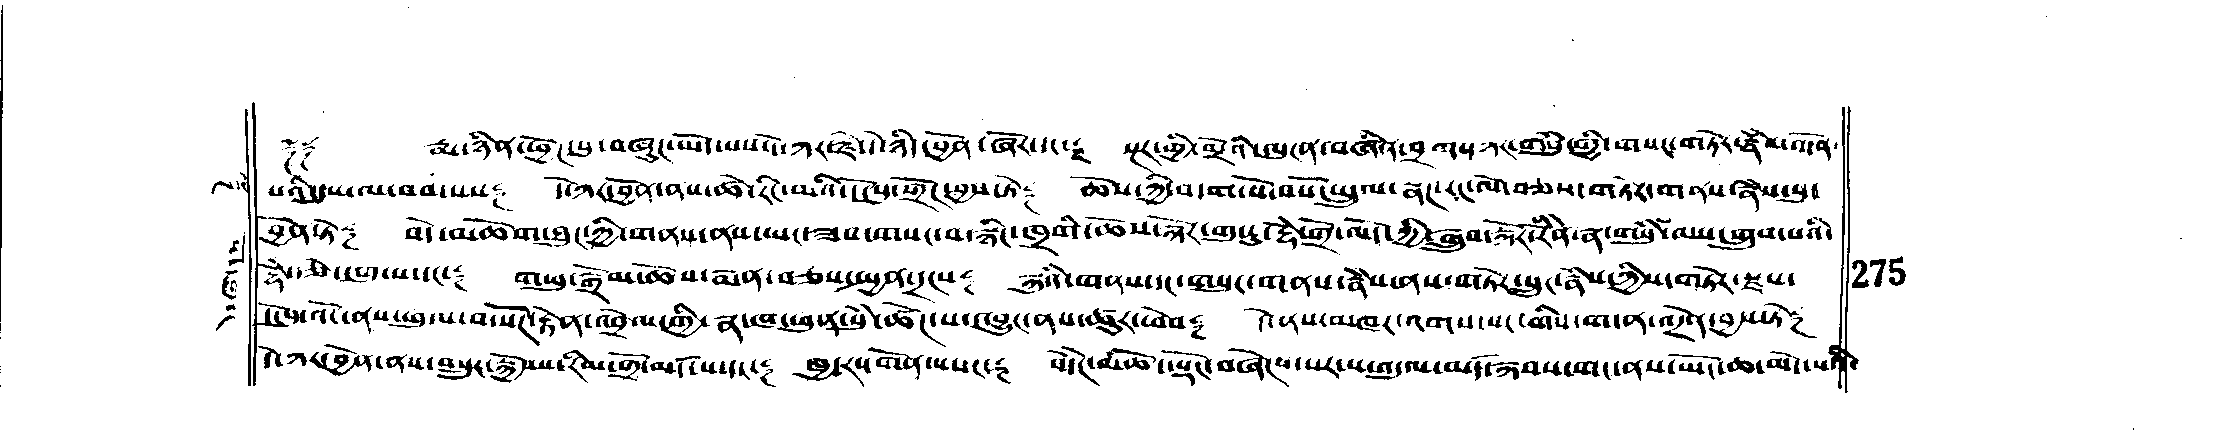རྨ་ཉེན་ཕྱོགས་སུ་བཞུགས་ཡོད་པས་དེ་ཀར་རྗེ་དེ་ཉིད་བྱོན་ཞོར་དང་། སྔར་གྱི་མཁའ་འགྲོའི་ལུང་བསྟན་བཞིན་བྲག་དཀར་གསུམ་གྱི་གསང་གཏེར་རྣམས་འདོན་
པའི་དུས་ལ་བབ་པས། དེ་ཀར་བྱོན་ནས་ཚེ་རིང་མས་དངོས་སུ་གྲོགས་བྱས་ཏེ། ཆོས་ཀྱི་བདག་པོ་བསོ་སྤྲུལ་སྣགས་རང་ལོ་བཅས་གཏེར་གནས་རྣམས་སུ་
བྱོན་ཏེ། བདེ་མཆོག་ཐུགས་ཀྱི་གནས་ནས་ཡང་ཟབ་གསང་བ་སྙིང་ཁྲག་གི་ཆོས་སྐོར་གུ་རུ་རྡོ་རྗེ་གྲོ་ལོད་ཀྱི་སྒྲུབ་སྐོར་རིན་པོ་ཆེ་སྣ་གསུམ་ལས་གྲུབ་པའི་
རྡོ་རྗེ་རྩེ་དགུ་པ་དང་།གཡུ་སྒྲོམ་ཆོས་སྨན་བཅས་སྤྱན་དྲངས། སྐུའི་གནས་དང་གསུང་གནས་རྣམས་ནས་གཏེར་སྲུང་རྣམས་ཀྱིས་གཏེར་རྫས་
དངོས་སུ་འོང་ནས་ཕུལ་བ་སོགས་རྟེན་འབྲེལ་གྱི་སྣ་ཁ་ཕུན་སུམ་ཚོགས་པ་འབྱུང་ནས་ཚུར་ཕེབས། དེ་ནས་མཁར་འགས་སང་གིས་གདན་འདྲེན་བྱས་ཏེ། 
དེ་ཀར་བྱོན་ནས་སྲུང་སྐྱོབས་རིམ་གྲོ་མཛད་པ་དང་། ཁྱད་པར་དགོན་པ་དང་། བདེ་བཤེགས་མཆོད་སྡོང་བཞེངས་པར་ས་འདུས་མཛད་སྐབས་གང་ནས་འོང་ཆ་མེད་པའི་